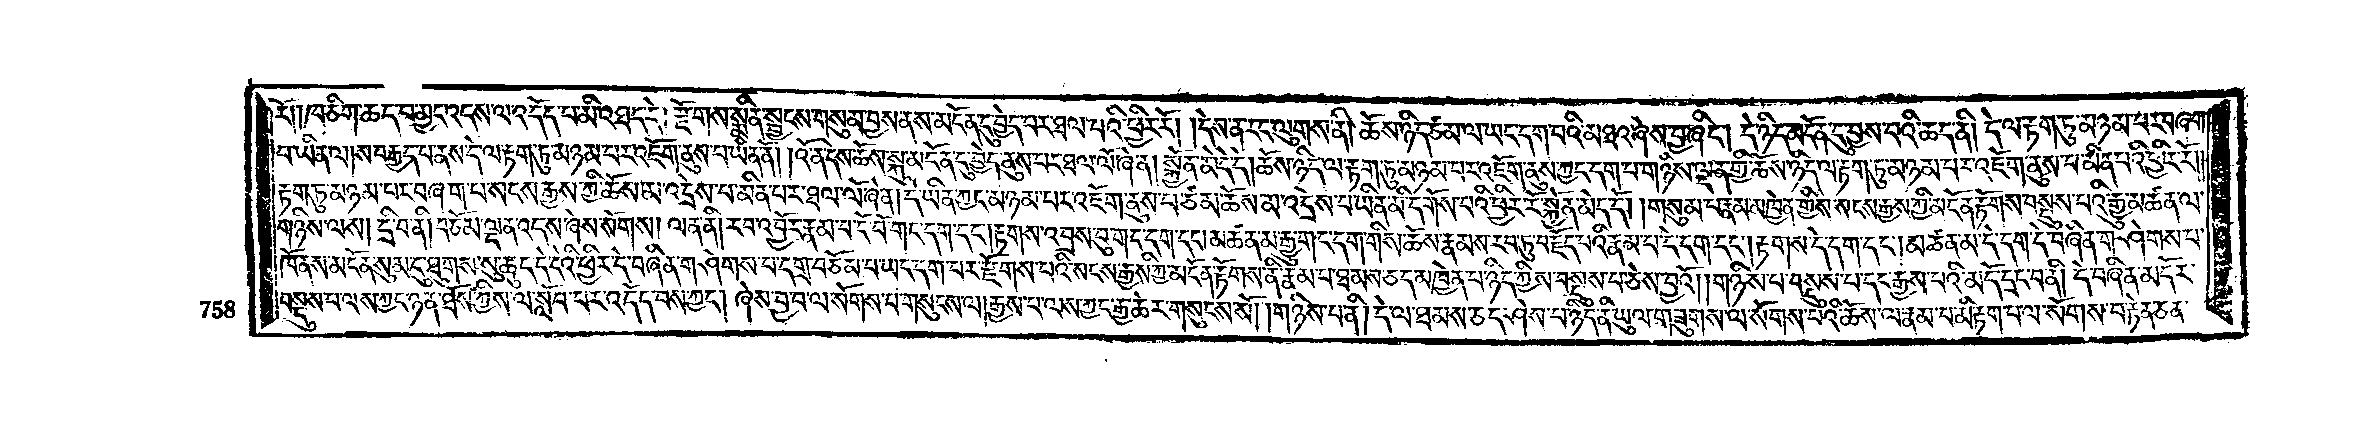རོ། །ཁ་ཅིག་ཆད་པ་མྱང་འདས་ལ་འདོད་པ་མི་འཐད་དེ། རྫོགས་སྨིན་སྦྱངས་གསུམ་བྱས་ནས་མངོན་དུ་བྱེད་པར་ཐལ་བའི་ཕྱིར་རོ། །དེས་ན་རང་ལུགས་ནི། ཆོས་ཉིད་ཙམ་ལ་ཡང་དག་པའི་མཐའ་ཞེས་བྱ་ཞིང་། དེ་ཉིད་མངོན་དུ་བྱས་པའི་ཆད་ནི། དེ་ལ་རྟག་ཏུ་མཉམ་པར་བཞག་
པ་ཡིན་ལ། ས་བརྒྱད་པ་ནས་དེ་ལ་རྟག་ཏུ་མཉམ་པར་འཇོག་ནུས་པ་ཡིན་ནོ། །འོ་ན་དེས་ཆོས་སྐུ་མངོན་དུ་བྱེད་ནུས་པར་ཐལ་ལོ་ཞེ་ན། སྐྱོན་མེད་དེ། ཆོས་ཉིད་ལ་རྟག་ཏུ་མཉམ་པར་འཇོག་ནུས་ཀྱང་དག་པ་གཉིས་ལྡན་གྱི་ཆོས་ཉིད་ལ་རྟག་ཏུ་མཉམ་པར་འཇོག་ནུས་པ་མིན་པའི་ཕྱིར་རོ། །
རྟག་ཏུ་མཉམ་པར་བཞག་པ་སངས་རྒྱས་ཀྱི་ཆོས་མ་འདྲེས་པ་མིན་པར་ཐལ་ལོ་ཞེ་ན། དེ་ཡིན་ཀྱང་མཉམ་པར་འཇོག་ནུས་པ་ཙམ་ཆོས་མ་འདྲེས་པ་ཡིན་མི་དགོས་པའི་ཕྱིར་རོ་སྐྱོན་མེད་དོ། །གསུམ་པ་རྣམ་མཁྱེན་གྱིས་སངས་རྒྱས་ཀྱི་མངོན་རྟོགས་བསྡུས་པའི་རྒྱུ་མཚན་ལ་
གཉིས་ལས། དྲི་བ་ནི། བཅོམ་ལྡན་འདས་ཞེས་སོགས། ལན་ནི། རབ་འབྱོར་རྣམ་པ་ངོ་བོ་གང་དག་དང་། རྟགས་འབྲས་བུ་གང་དག་དང་། མཚན་མ་རྒྱུ་གང་དག་གིས་ཆོས་རྣམས་རབ་ཏུ་བརྗོད་པའི་རྣམ་པ་དེ་དག་དང་། རྟགས་དེ་དག་དང་། མཚན་མ་དེ་དག་དེ་བཞིན་གཤེགས་པ་
ཁོ་ནས་མངོན་སུམ་དུ་ཐུགས་སུ་ཆུད་དེ་དེའི་ཕྱིར་དེ་བཞིན་གཤེགས་པ་དགྲ་བཅོམ་པ་ཡང་དག་པར་རྫོགས་པའི་སངས་རྒྱས་ཀྱི་མངོན་རྟོགས་ནི་རྣམ་པ་ཐམས་ཅད་མཁྱེན་པ་ཉིད་ཀྱིས་བསྡུས་པ་ཅེས་བྱའོ། །གཉིས་པ་བསྡུས་པ་དང་རྒྱས་པའི་མདོ་དྲང་བ་ནི། དེ་བཞིན་མདོར་
བསྡུས་པ་ལས་ཀྱང་ཉན་ཐོས་ཀྱི་ས་ལ་སློབ་པར་འདོད་པས་ཀྱང་། ཞེས་བྱ་བ་ལ་སོགས་པ་གསུངས་ལ། རྒྱས་པ་ལས་ཀྱང་རྒྱ་ཆེར་གསུངས་སོ། །གཉིས་པ་ནི། དེ་ལ་ཐམས་ཅད་ཤེས་པ་ཉིད་ནི་ཡུལ་གཟུགས་ལ་སོགས་པའི་ཆོས་ལ་རྣམ་པ་མི་རྟག་པ་ལ་སོགས་པ་རྟེན་ཅན་